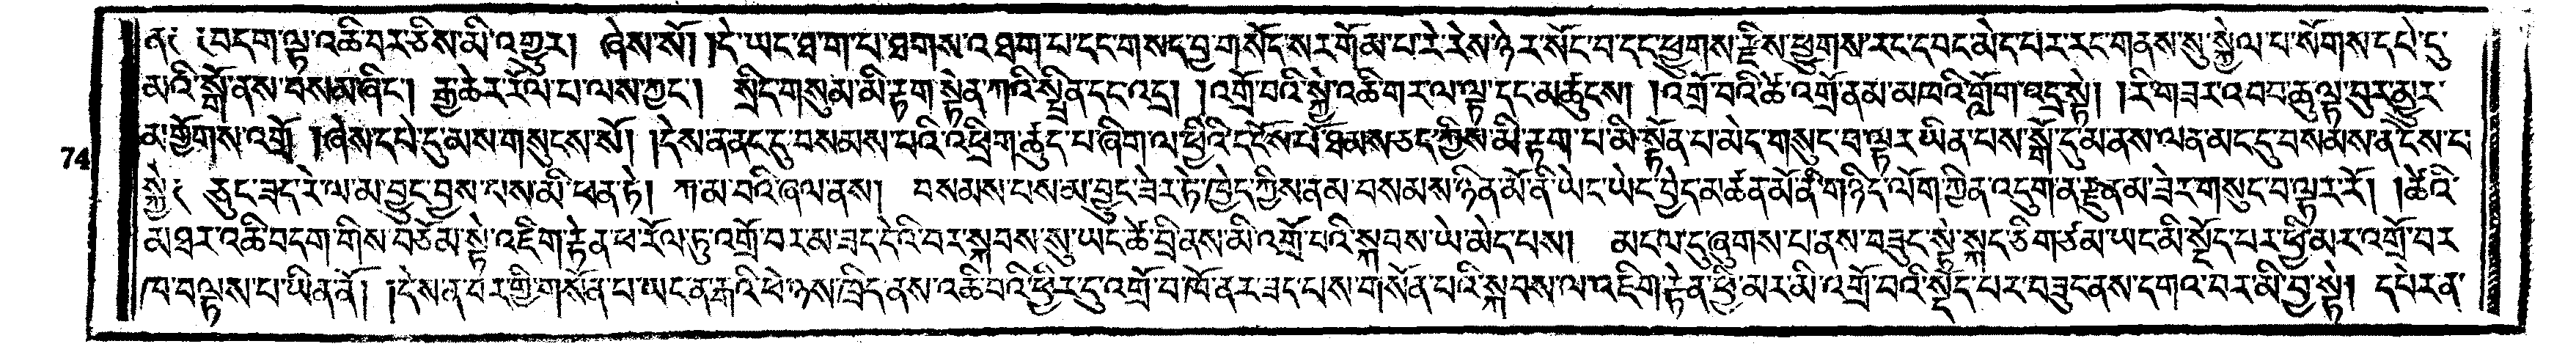ན༑ ༑བདག་ལྟ་འཆི་བར་ཅིས་མི་འགྱུར། ཞེས་སོ། །དེ་ཡང་ཐ་ག་པ་ཐགས་འཐག་པ་དང་གསད་བྱ་གསོད་སར་གོམ་པ་རེ་རེས་ཉེར་སོང་བ་དང་ཕྱུགས་རྫིས་ཕྱུགས་རང་དབང་མེད་པར་རང་གནས་སུ་སྐྱེལ་པ་སོགས་དཔེ་དུ་
མའི་སྒོ་ནས་བསམ་ཞིང་། རྒྱ་ཆེར་རོལ་པ་ལས་ཀྱང་། སྲིད་གསུམ་མི་རྟག་སྟེན་ཀའི་སྤྲིན་དང་འདྲ། །འགྲོ་བའི་སྐྱེ་འཆི་གར་ལ་ལྟ་དང་མཚུངས། །འགྲོ་བའི་ཚེ་འགྲོ་ནམ་མཁའི་གློག་འདྲ་སྟེ། །རི་གཟར་འབབ་ཆུ་ལྟ་བུར་མྱུར་
མགྱོགས་འགྲོ་།ཞེས་དཔེ་དུ་མས་གསུངས་སོ། །དེས་ན་ནང་དུ་བསམས་པའི་འཕྲིག་ཚུད་པ་ཞིག་ལ་ཕྱིའི་དངོས་པོ་ཐམས་ཅད་ཀྱིས་མི་རྟག་པ་མི་སྟོན་པ་མེད་གསུང་བ་ལྟར་ཡིན་པས་སྒོ་དུ་མ་ནས་ལན་མང་དུ་བསམས་ན་ངེས་པ་
སྐྱེ༑ ཅུང་ཟད་རེ་ལ་མ་བྱུང་བྱས་པས་མི་ཕན་ཏེ། ཀ་མ་བའི་ཞལ་ནས། བསམས་པས་མ་བྱུང་ཟེར་ཏེ་ཁྱེད་ཀྱིས་ནམ་བསམས་ཉིན་མོ་ནི་ཡེང་ཡེང་བྱེད་མཚན་མོ་ནི་གཉིད་ལོག་ཀྱིན་འདུག་ན་རྫུན་མ་ཟེར་གསུང་བ་ལྟར་རོ། །ཚེའི་
མཐར་འཆི་བདག་གིས་བཅོམ་སྟེ་འཇིག་རྟེན་ཕ་རོལ་ཏུ་འགྲོ་བར་མ་ཟད་དེའི་བར་སྐབས་སུ་ཡང་ཚེ་བྲི་ནས་མི་འགྲོ་བའི་སྐབས་ཡེ་མེད་པས། མངལ་དུ་ཞུགས་པ་ནས་བཟུང་སྟེ་སྐད་ཅིག་ཙམ་ཡང་མི་སྡོད་པར་ཕྱི་མར་འགྲོ་བར་
ཁ་བལྟས་པ་ཡིན་ནོ། །དེས་ན་བར་གྱི་གསོན་པ་ཡང་ན་རྒའི་ཕེ་ཉས་ཁྲིད་ནས་འཆི་བའི་ཕྱིར་དུ་འགྲོ་བ་ཁོ་ནར་ཟད་པས་གསོན་པའི་སྐབས་ལ་འཇིག་རྟེན་ཕྱི་མར་མི་འགྲོ་བའི་སྡོད་པར་བཟུང་ནས་དགའ་བར་མི་བྱ་སྟེ། དཔེར་ན་